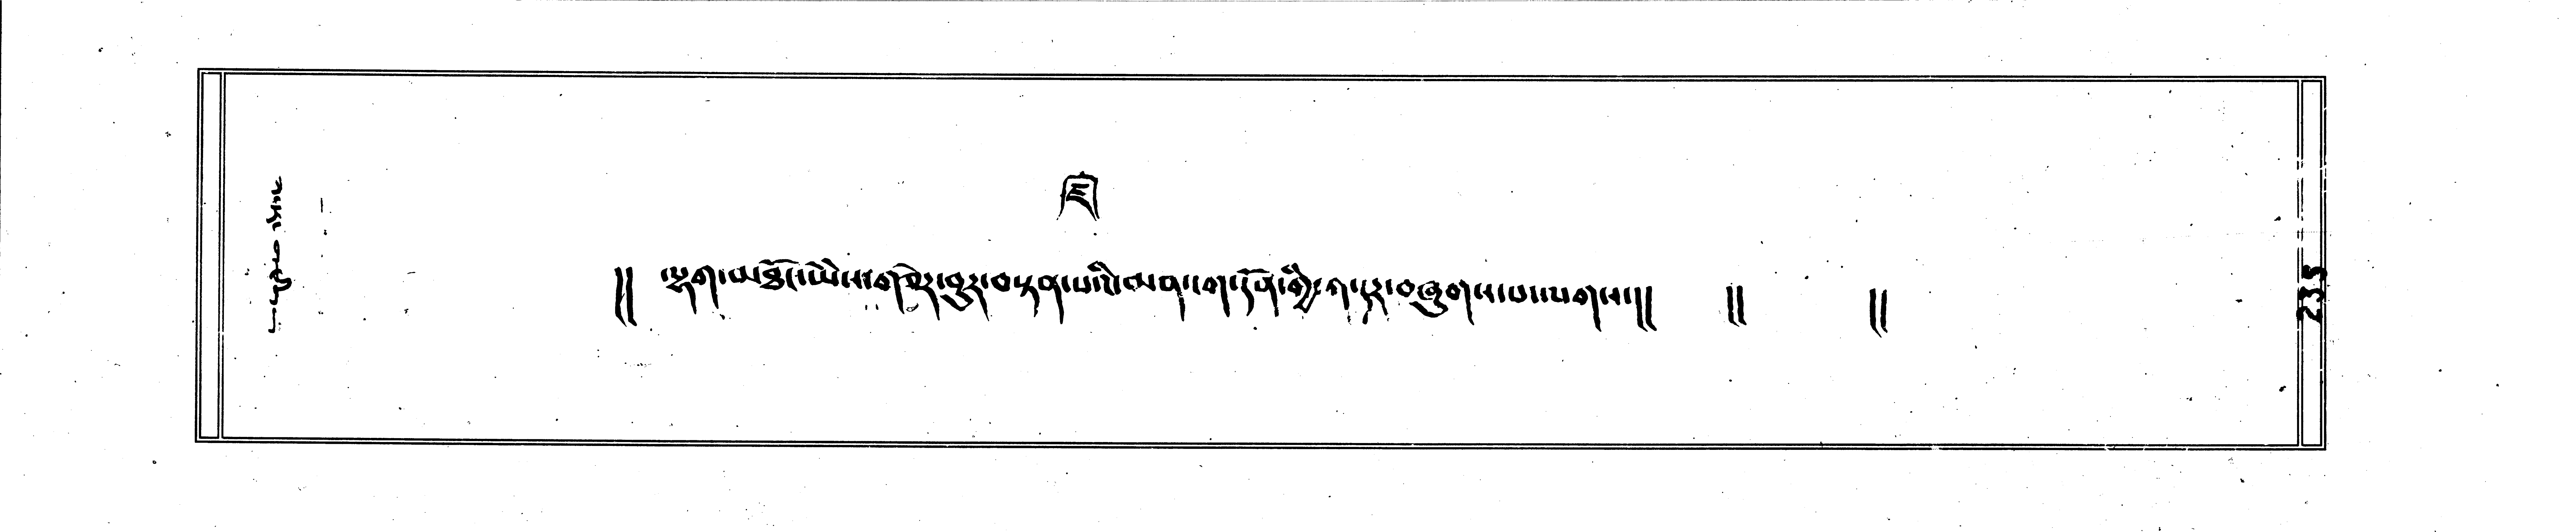༼ཇ༽ལྷག་མཐོང་ཡེ་ཤེས་གཅེར་བུར་བསྟན་པའི་མན་ངག་དོན་གྱི་ག་དར་བཞུགས་པ་ལགས།།